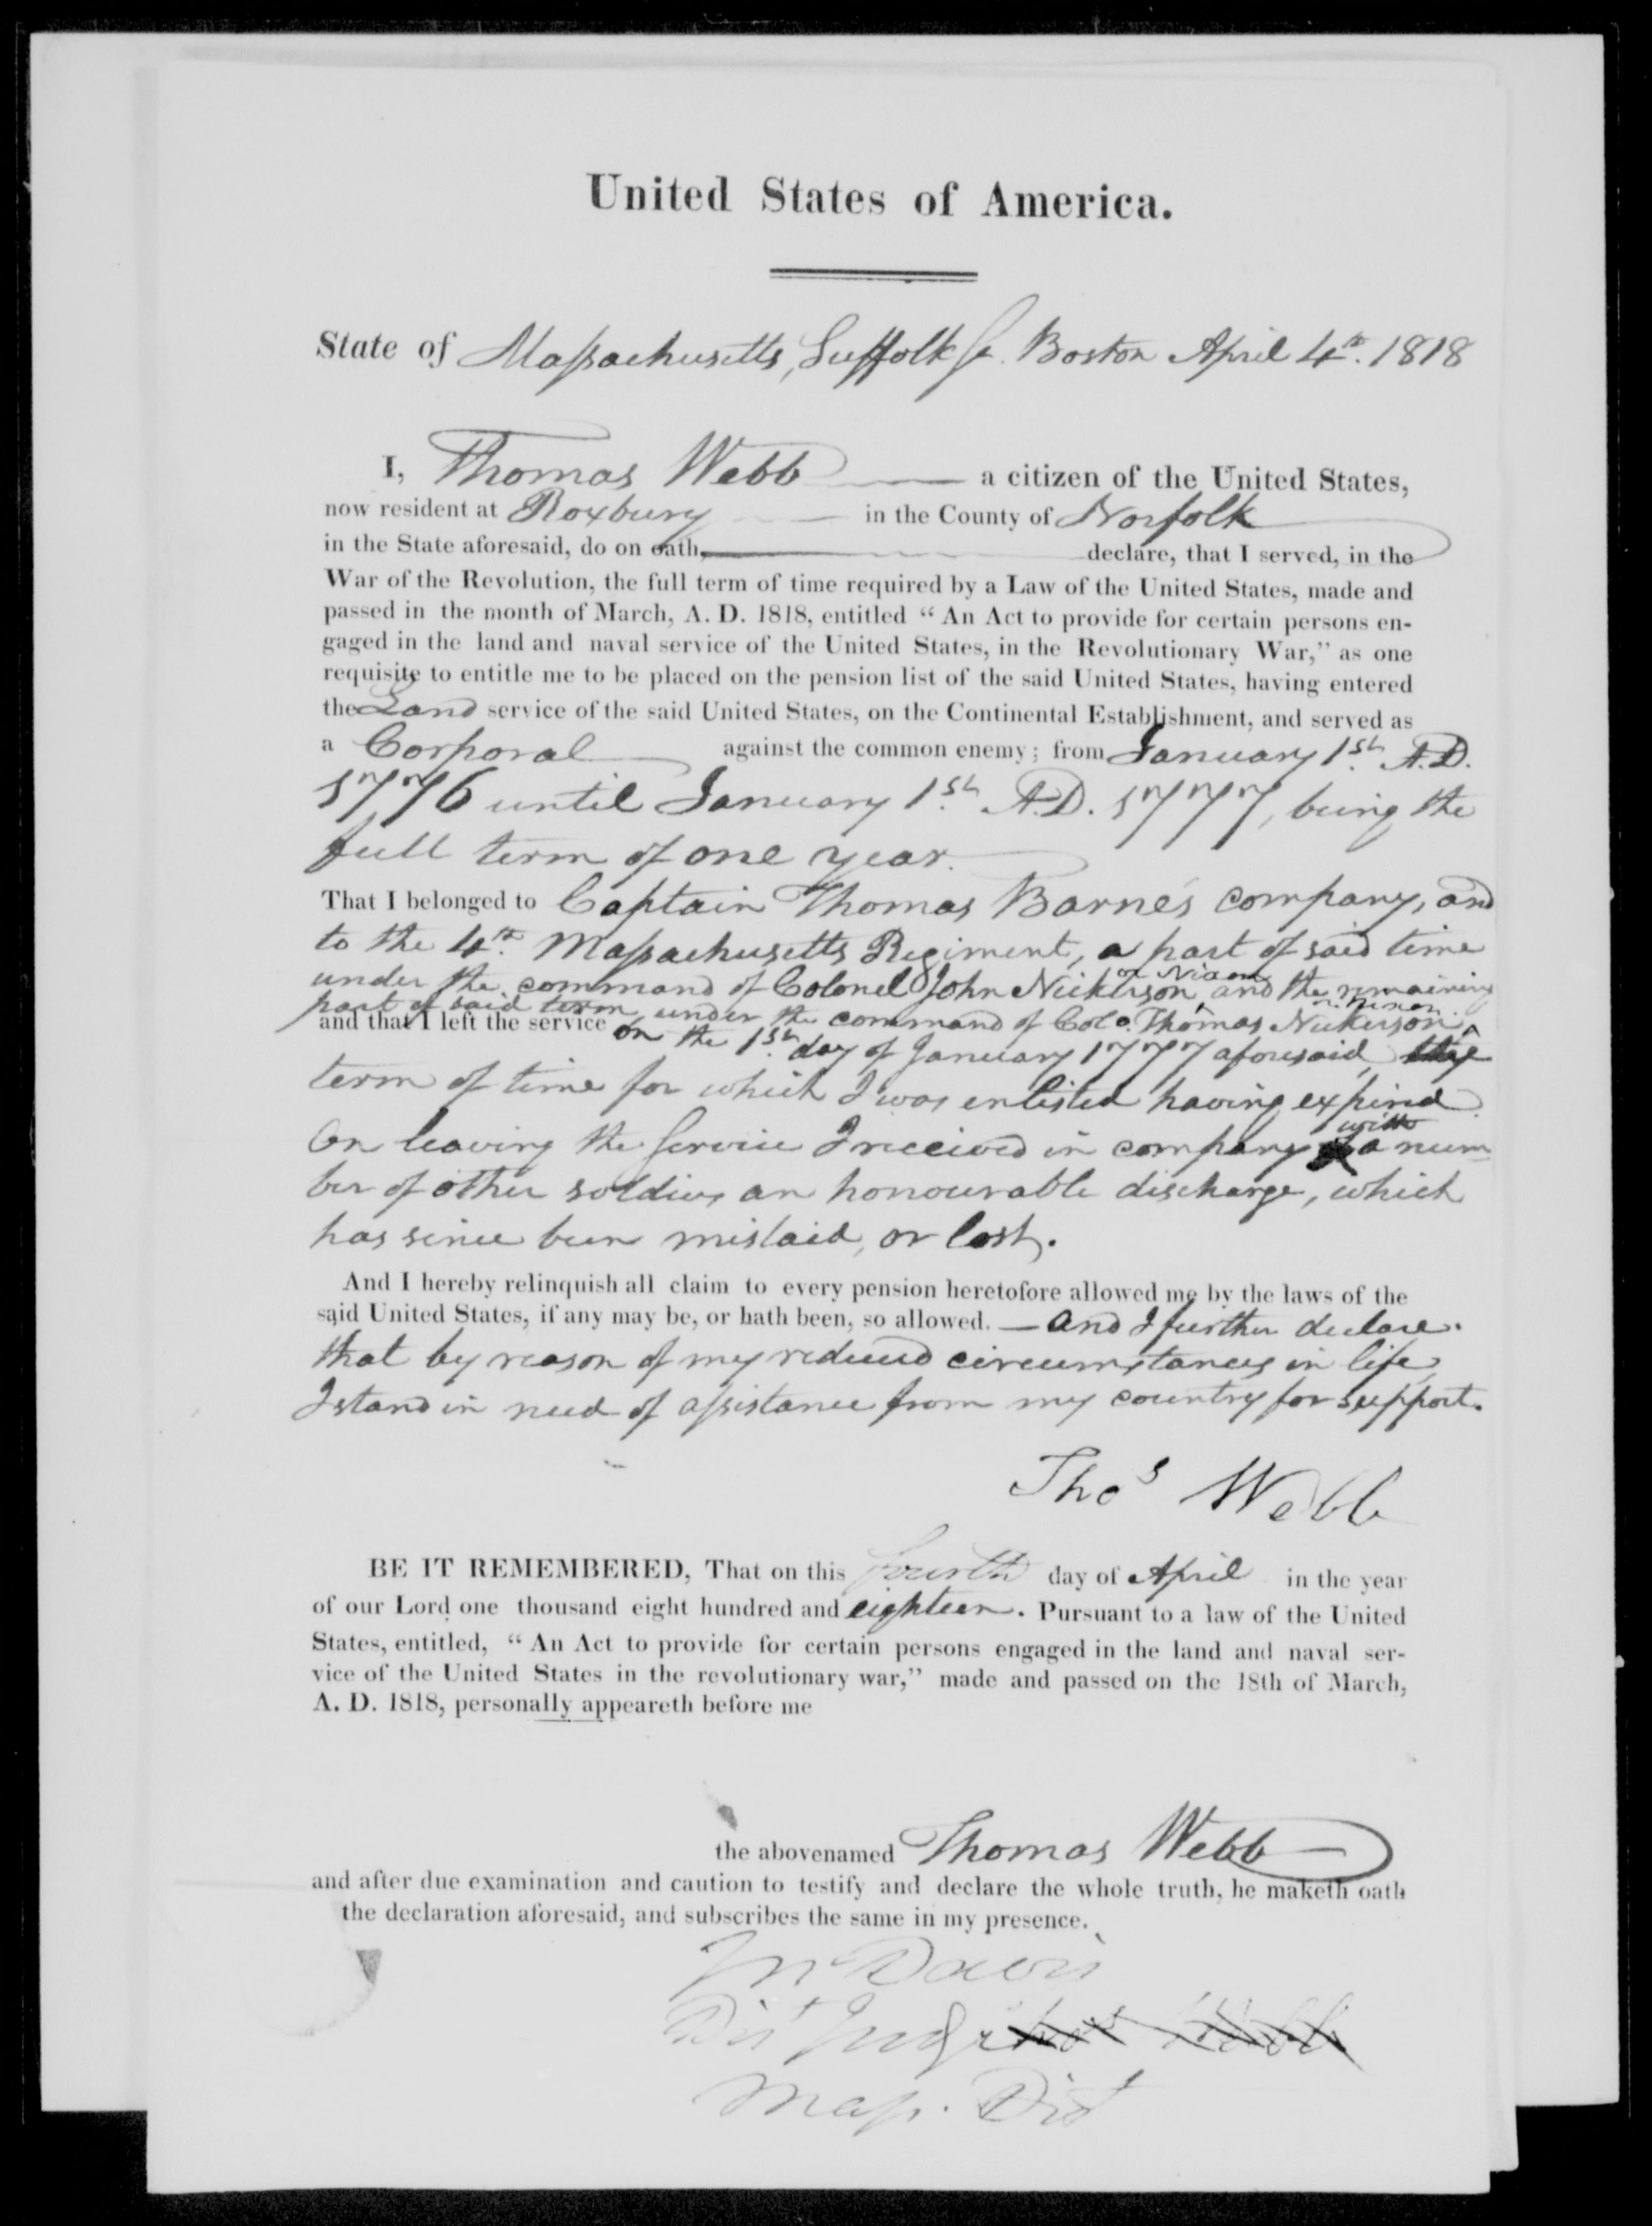United States of America
State of Massachusetts, Suffolk, SS 
Boston April 4th 1818

I, Thomas Webb a citizen of the United States, now resident at Roxbury in the County of Norfolk in the State aforesaid, do on oath declare, that I served,  in the War of the Revolution the full term of time required by Law of the United States, made and passed in the month of March A. D. 1818 entitled "An Act to provide for certain persons engaged in the land and naval service of the United States, in the Revolutionary war," as one requisite to entitle me to be placed on the pension  list of the said United States, having entered the Land service of the said United States, on the Continental Establishment, and served as a Corporal against the common enemy; from January 1st A. D. 1776 until January 1st A.D. 1777 being the full term one year.
That I belonged to Captain Thomas Barnes Company and to the 4th Massachusetts Regiment, a part of said time under the command of Colonel John Nickerson and the remaining part of said term under the command of Col. Thomas Nickerson and that I left the service on the 1st day of January 1777 aforesaid, the term of time for which I was enlisted having expired. On leaving the service I received in company with a number of other soldiers an honourable discharge, which has since been mislaid or lost.
And I hereby relinquish all claim to every pension heretofore allowed me by the laws of the said United States, if any may be, or hath been so allowed. and I further declare that by reason of my reduced circumstances in life I stand in need of assistance from my country for support.
Thos. Webb
Be it Remembered, That on this fourth day of April in the year of our Lord one thousand eight hundred and eighteen Pursuant to a law of the United States, entitled "An Act to provide for certain persons engaged in the land and naval service of the United States in the revolutionary war,' made and passed on the 18th day of March A. D. 1818, personally appeareth before me the above named Thomas Webb and after due examination and caution to testify and declare the whole truth he maketh oath to the declaration aforesaid, and subscribes the same in my presence.
Jno. Davis, Dist. Judge 
Mass. District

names: Jno Davis, Thomas Nickerson, Thomas Webb, Nixon, Thos Webb, John Nickerson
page: 7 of 14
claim: survivor's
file: S. 33888, Thomas Webb, Mass.